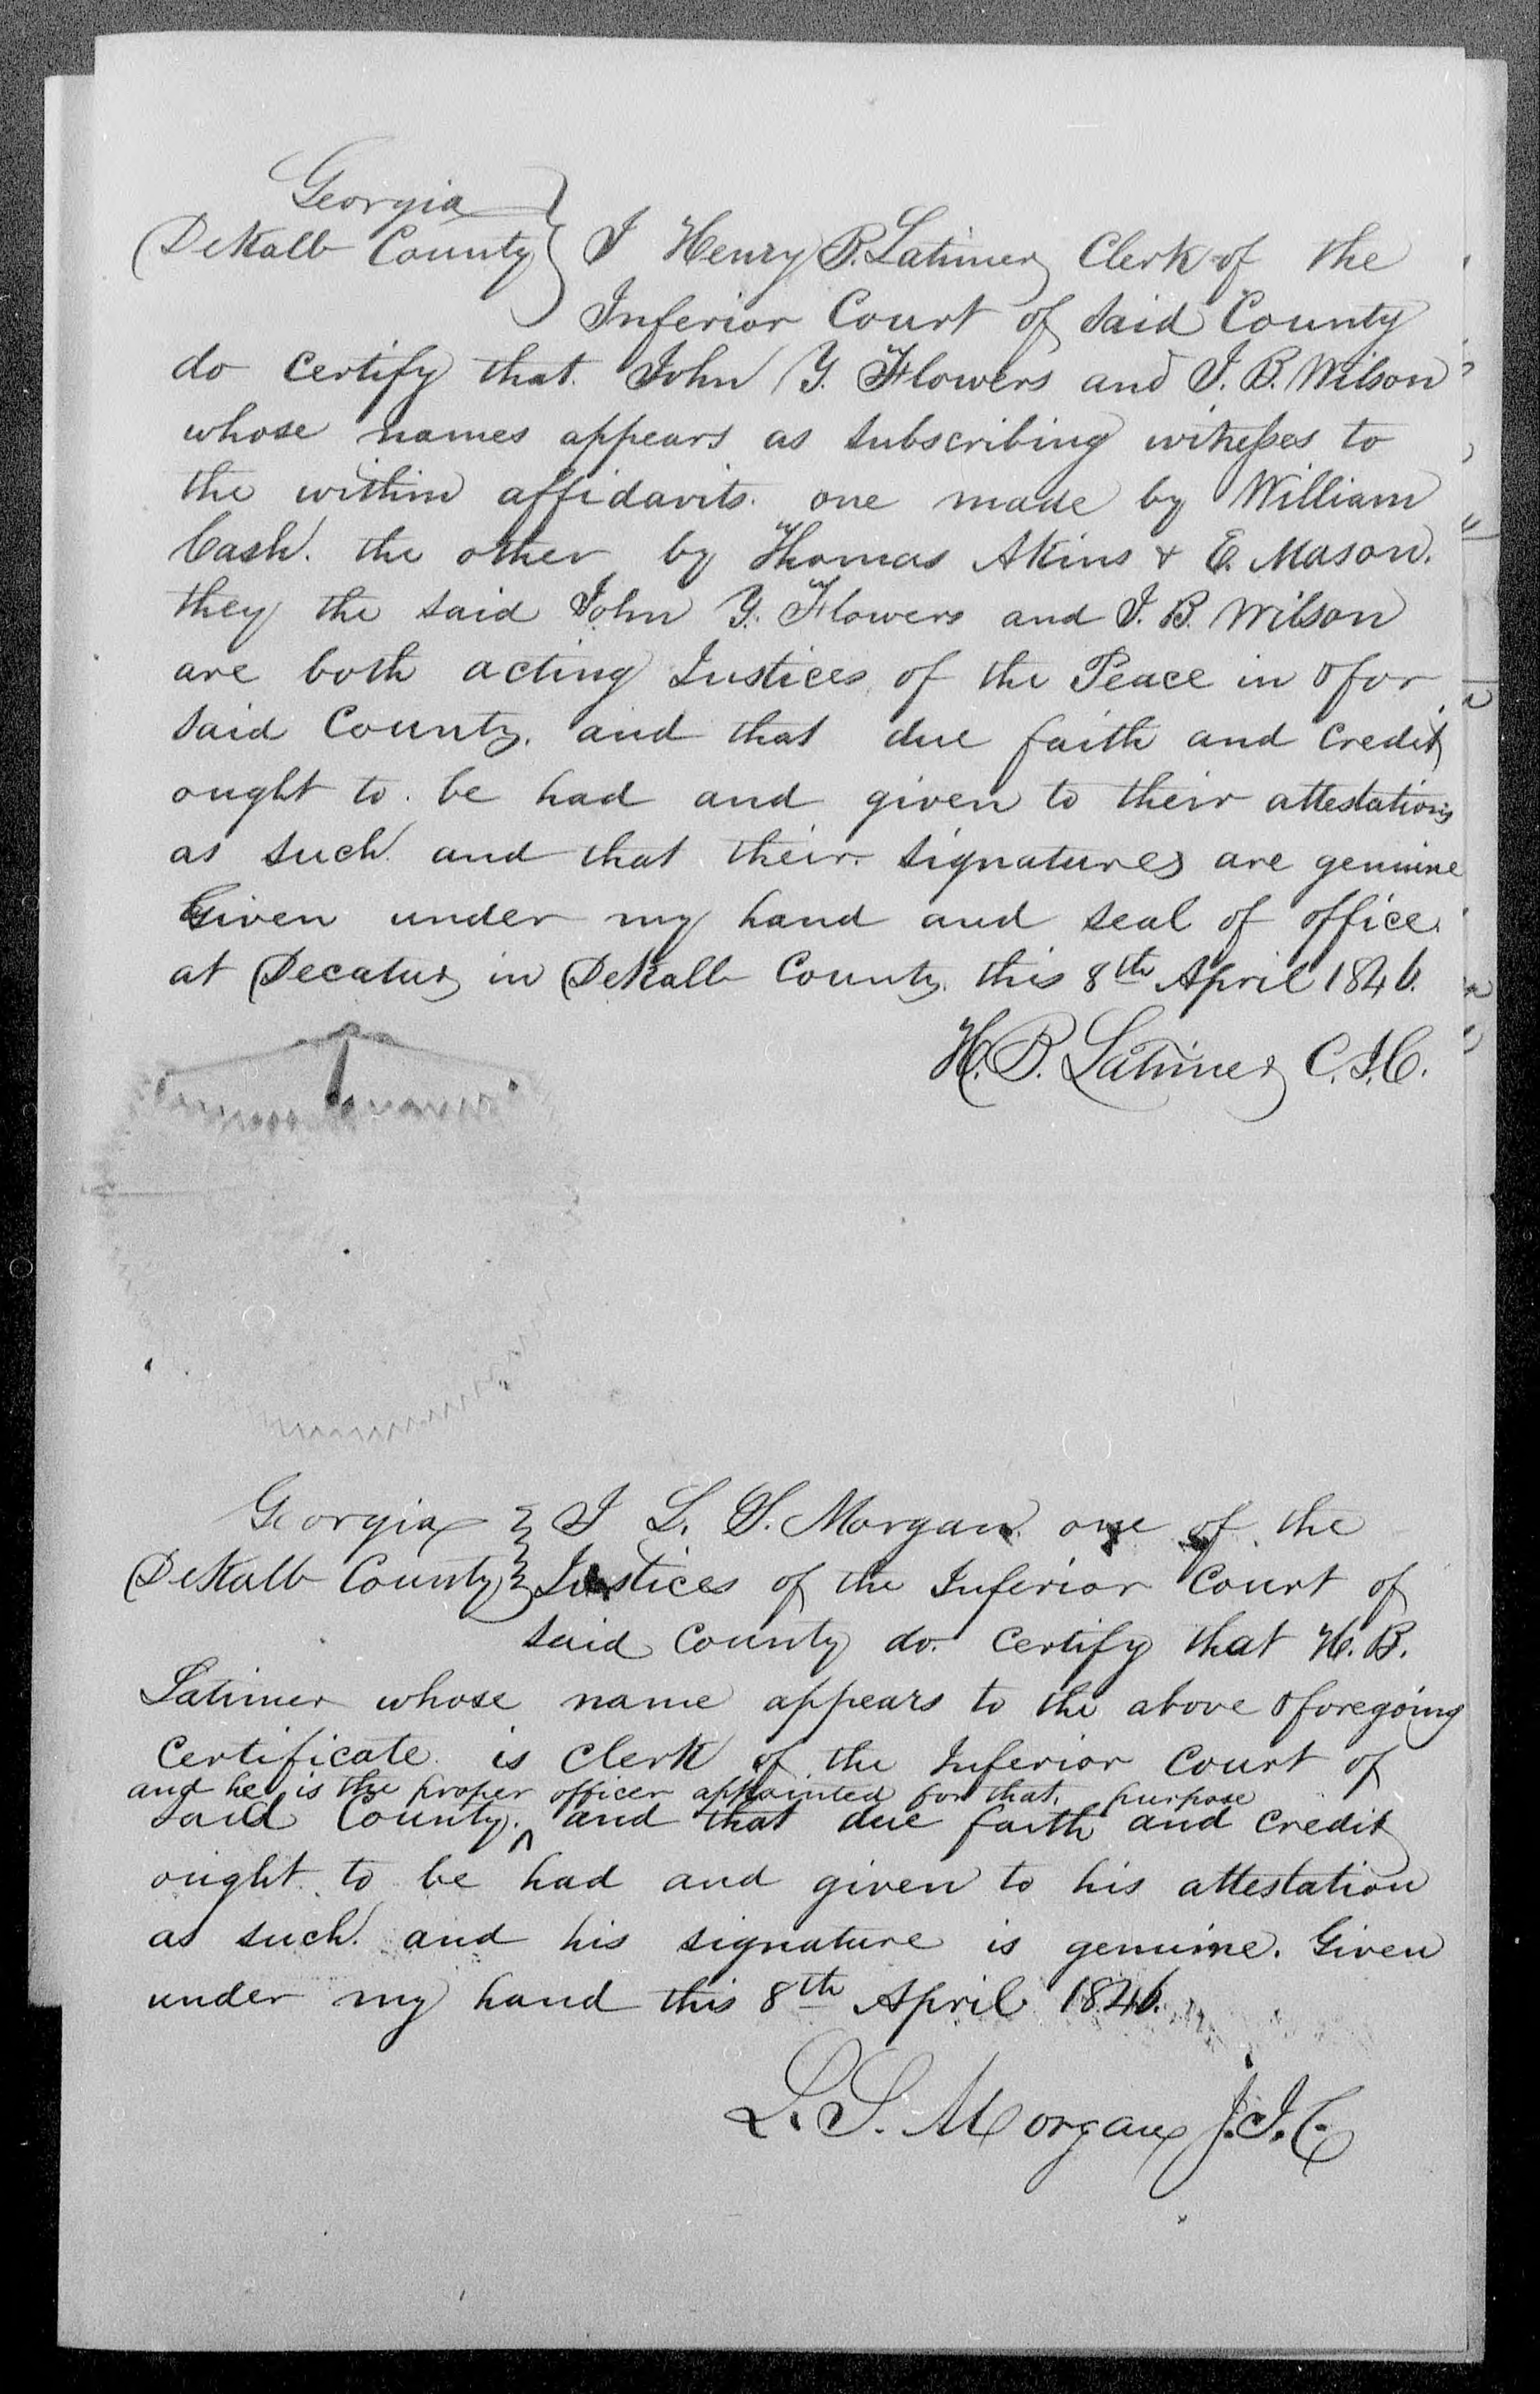Georgia
DeKalb County
I, Henry P. Latimer, Clerk of the Inferior Court of said County, do certify that John G. Flowers and J. B. Wilson whose names appears as subscribing witnesses to the within affidavits one made by William Cash, the other by Thomas Akins & E. Mason. They the said John G. Flowers and J. B. Wilson are both acting Justices of the Peace in & for said County, and that due faith and credit
ought to be had and given to their attestation as such and that their signatures are genuine.
Given under my hand and seal of office
at Decatur in Dekalb County this 8th April 1846.
                                    H.B. Latimer C.J.C.


Georgia  
DeKalb County ⎬ I, L. S. Morgan, one of the Justices of the Inferior Court of said County do certify that H.B. Latimer whose name appears to the above & foregoing Certificate, is Clerk of the Inferior Court of said County and that and he is the proper officer appointed for that purpose, and that due faith and credit ought to be had and given to his attestation as such and his signature is genuine.
 Given
under my hand this 8th April 1846
L. S. Morgan J.J.C.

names: L S Morgan, William Cash, J B Wilson, H B Latimer, John G Flowers, L S Morgan, H B Latimer, Henry B Latimer, John G Flowers, Thomas Akins, E Mason, J B Wilson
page: 72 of 73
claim: widow's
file: W. 5,894, John Cash, Va.